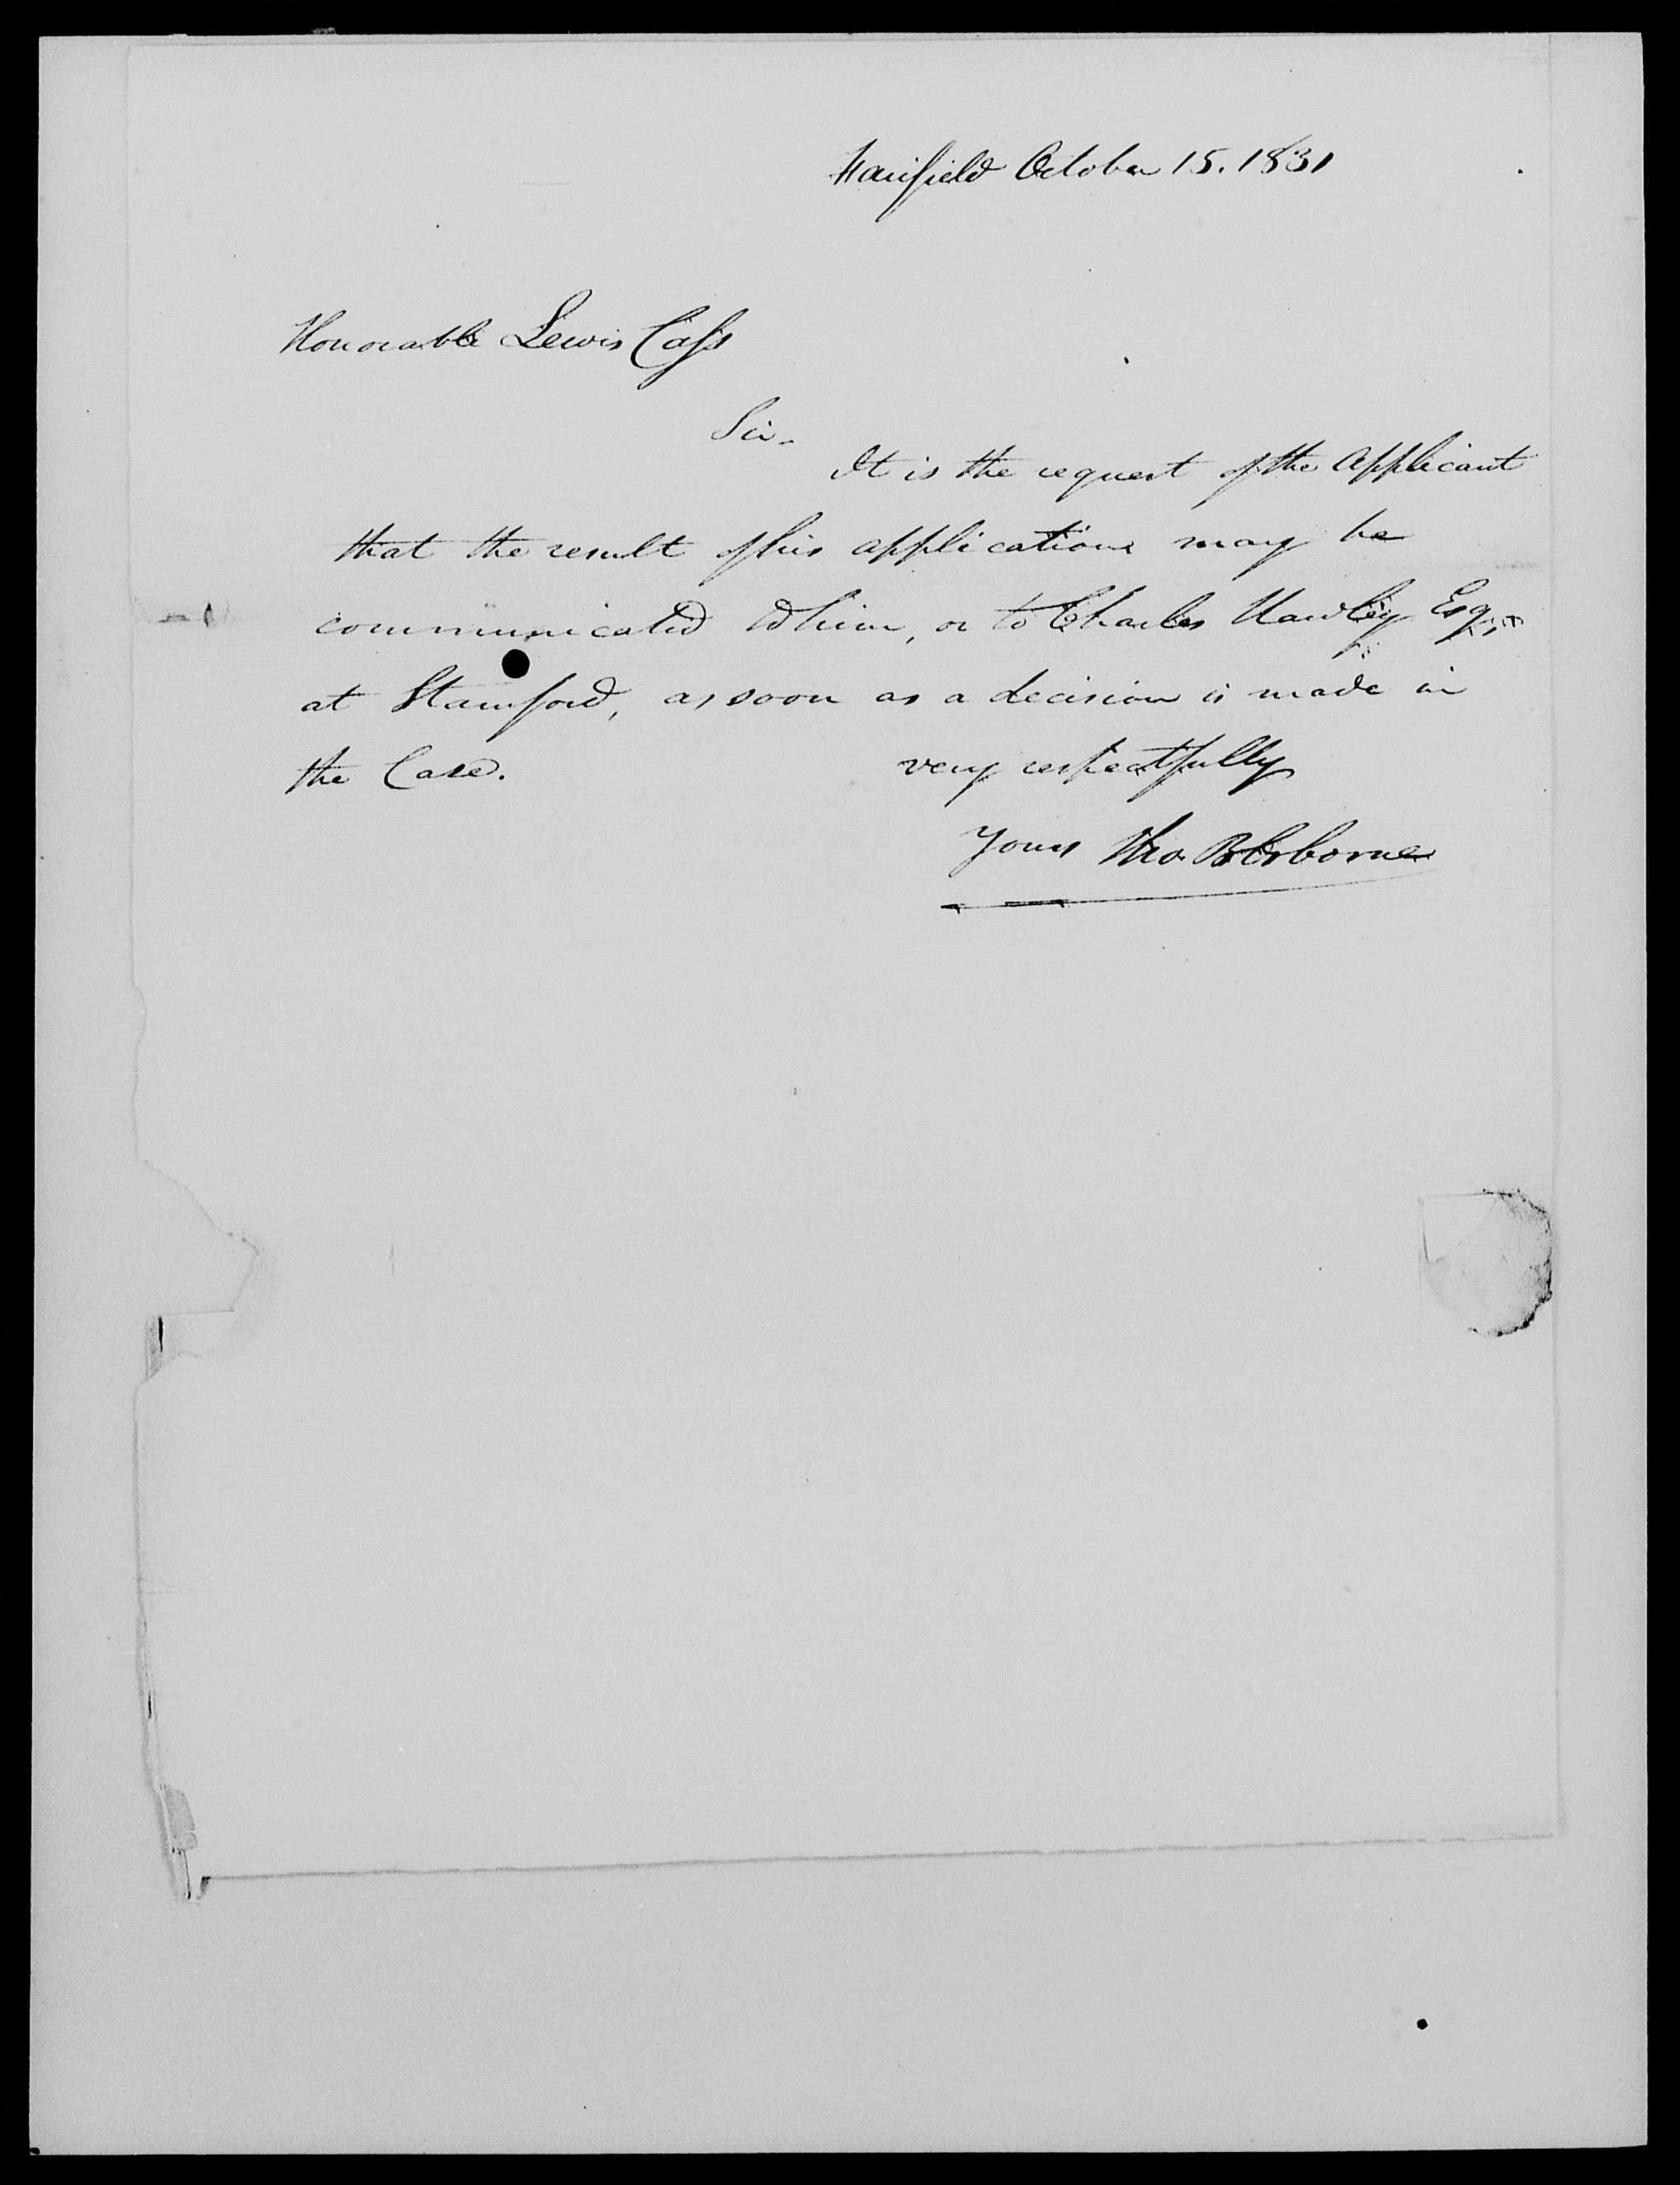Fairfield October 15, 1831
Honorable Lewis Cass
Sir
It is the request of the applicant
that the result of his application may be
communicated to him, or to Charles Hawley Esq
at Stamford as soon as a decision is made in
the Case
very respectfully
yours Tho B Osborne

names: Charles Hawley; Lewis Cass; Tho B Osborne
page: 19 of 24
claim: survivor's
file: S. 20,926, for Daniel Provost, Connecticut